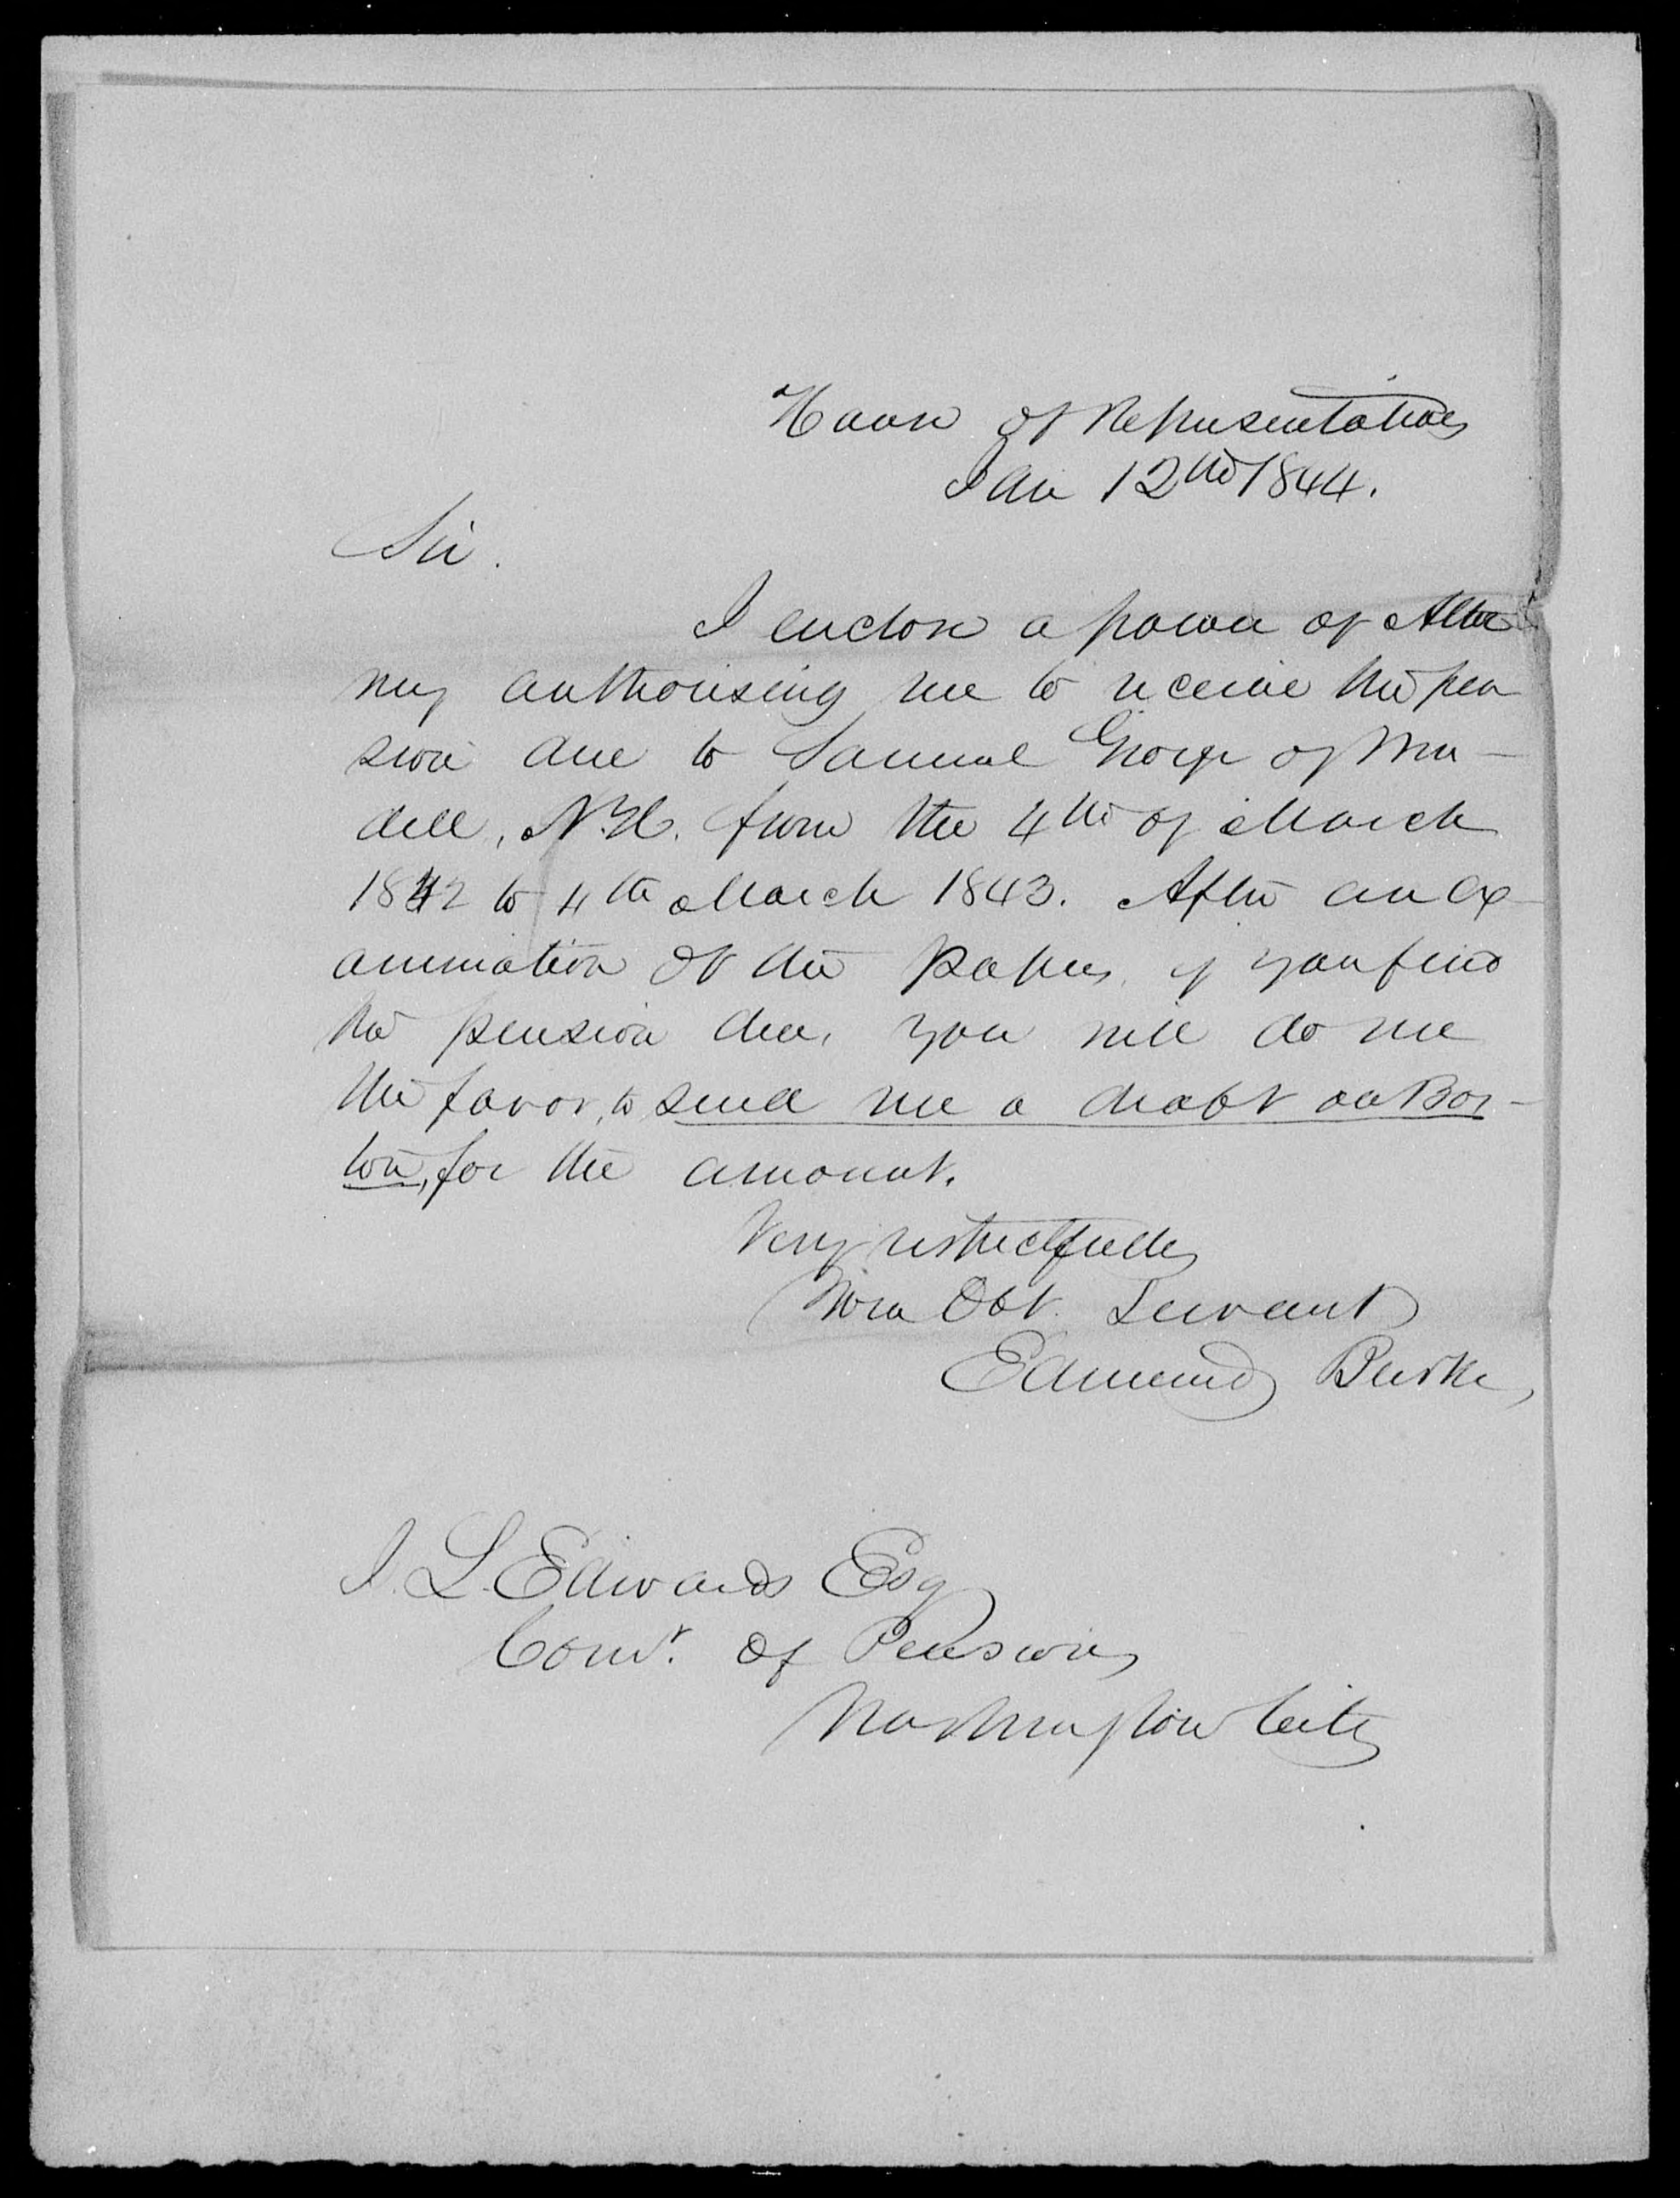House of Representatives
Jan 12th 1844

Sir,

I enclose a power of Atter
my authorising me to receive the pension due to  Samuel George of Wendell, N.H. from the 4th of March 1842 to 4th March 1843. After all examination of the papers, if you find
no pension due, you will do me
the favor, to send me a draft [illegible] for the amount.

Very respectfully
Nora Oct Servant
Edmund Burke
J. L. Edwards Esq
Govt of Pension
[illegible]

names: J L Edwards, Edmund Burke, Samuel George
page: 8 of 19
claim: survivor's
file: S. 15140, Samuel George, N.H.